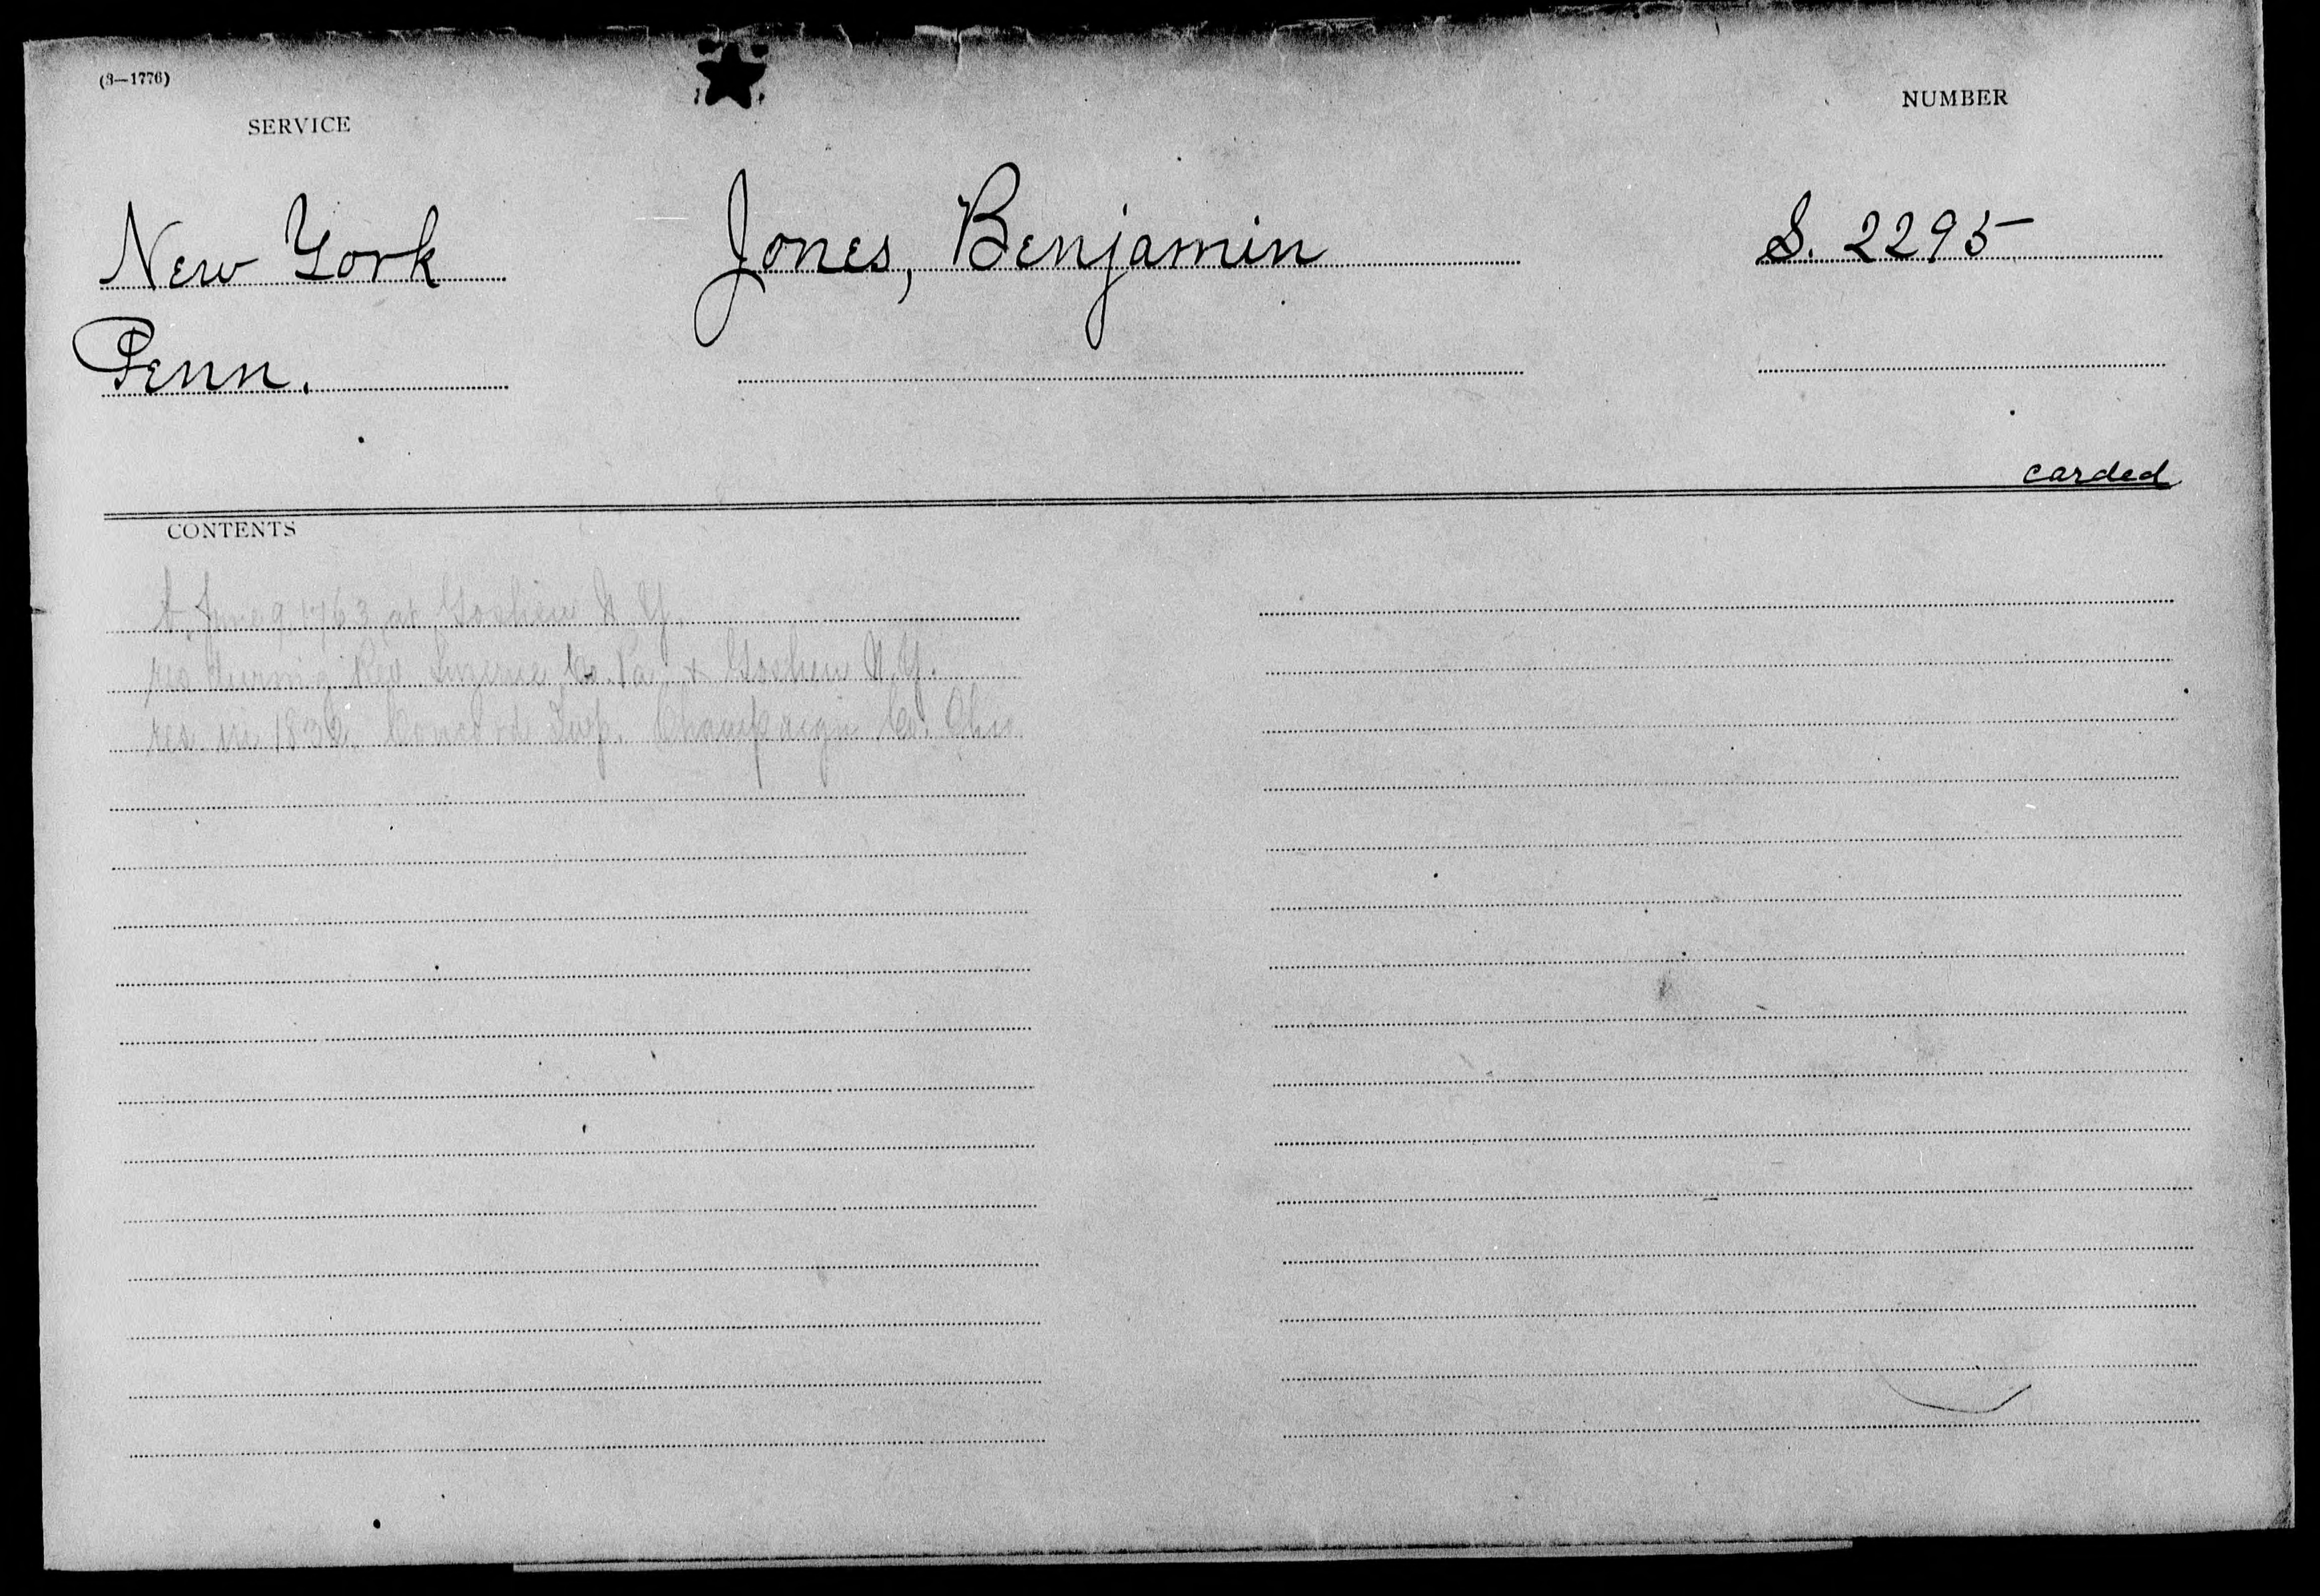(2 -- 1776)
SERVICE
New York
Penn

Jones, Benjamin

NUMBER
S. 2295

carded

CONTENTS

b. June 9, 1763 at Goshen N.Y.
Res. during Rev. Luzerne Co., PA and Goshen,  NY
Res. in 1832 Concord Twp. Champaign Co., Ohio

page: 1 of 10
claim: survivor's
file: S. 2295, for Benjamin Jones, New York